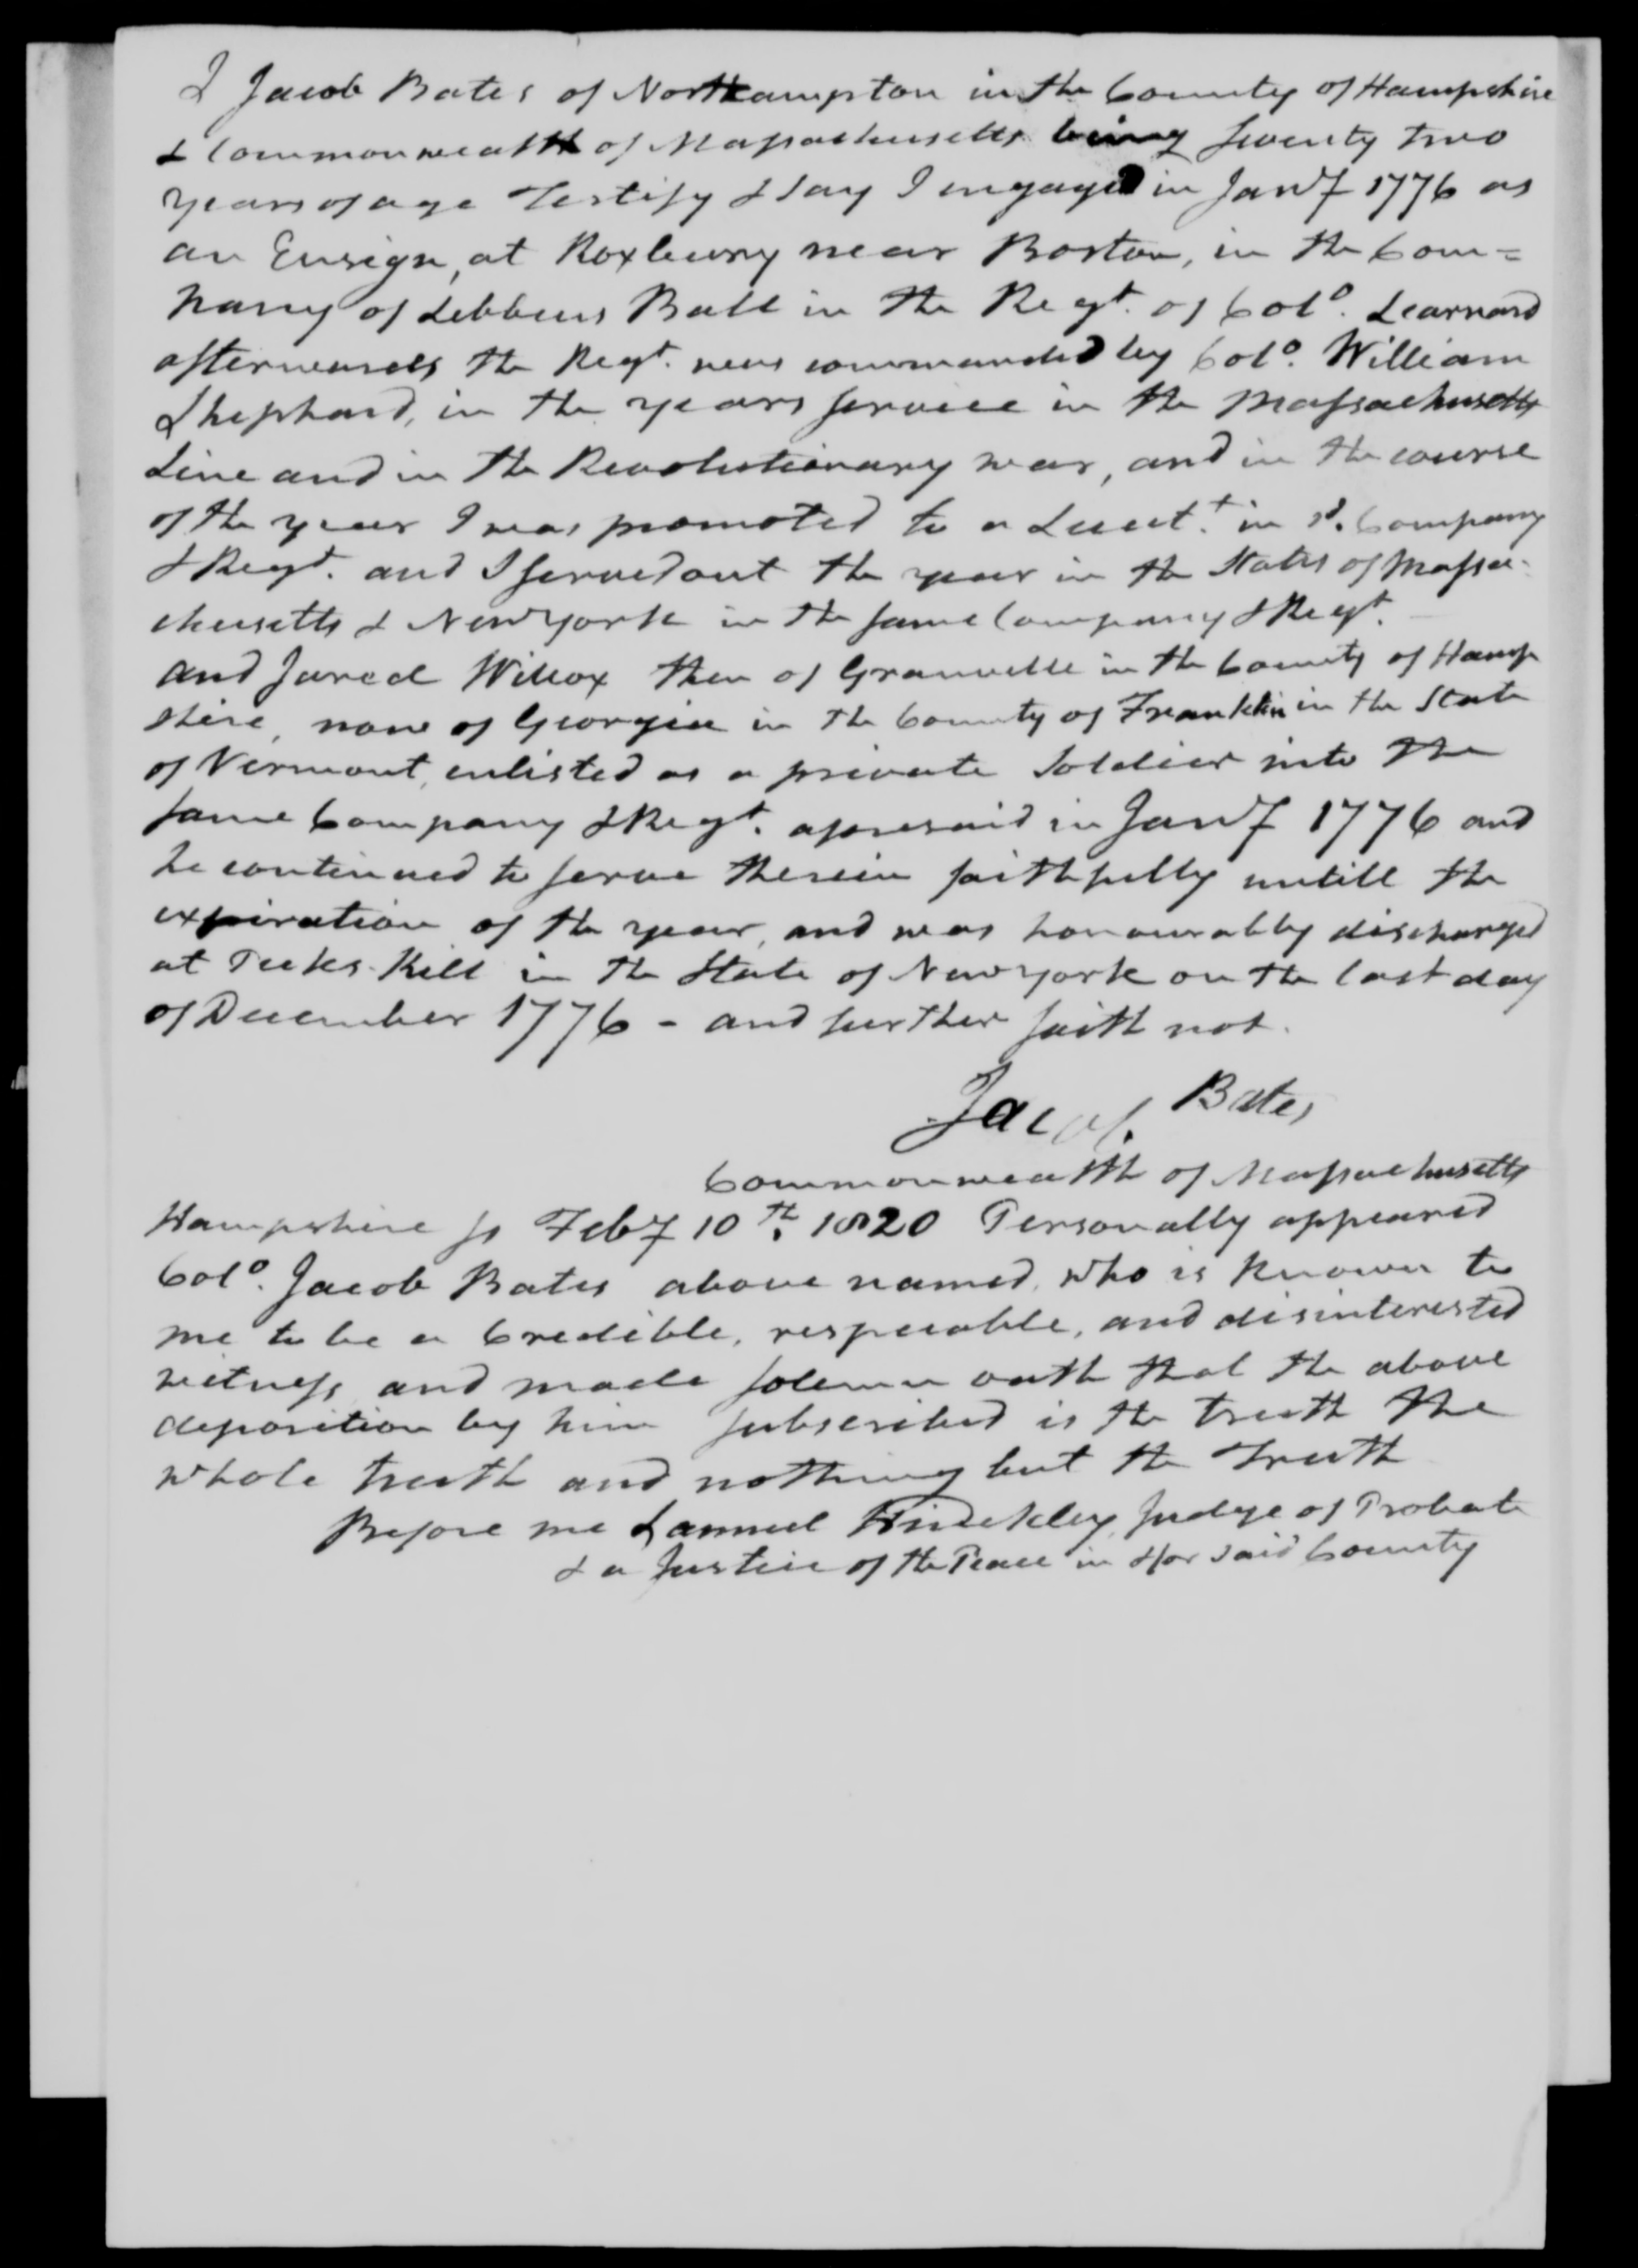I Jacob Bates of Horthampton in the County of Hampshire
& Commonwealth of Massachusetts being Seventy two
years of age testify & say I engaged in Jan 7 1776 as
an Ensign at Roxbury near Boston, in the Company
of Lebbeus Ball in the Regt of Col. Learnard
afterwards the Regt. was commanded by Col. William
Shephard, in the years service in the Massachusetts
Line and in the Revolutionary war, and in the course
of the year I was promoted to a Lieut.t in 3d. Company
& Regt. and I served out the year in the States of
Massachusetts & New York in the same Company & Regt.
and Jared Wilcox then of Granville in the County of Hampshire, 
now of Georgia in the County of Franklin in the State
of Vermont, enlisted as a private Soldier into the
same Company & regt. aforesaid in Jan 7 1776 and
he continued to serve therein faithfully untill [until] the
expiration of the year and was honourably [honorably] discharged
at Tucker Hill in the State of New York on the last day
of December 1776 - and further saith not.

Jacob Bates  (signature)

Commonwealth of Massachusetts
Hampshire Ss Feby 10th 1820 Personally appeared
Col. Jacob Bates above named who is known to
me to be a credible, respecable [respectable], and disinterested
witness and made solemn oath that the above
deposition by him subscribed is the truth the
whole truth and nothing but the Truth.

Before me Samuel Hinckley, Judge of Probate
& a Justice of the Peace in aforesaid County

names: William Shephard, Jacob Bates, Samuel Hinckley, Jared Wilcox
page: 23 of 34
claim: survivor's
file: S. 41337, Jared Wilcox, Continental Mass.